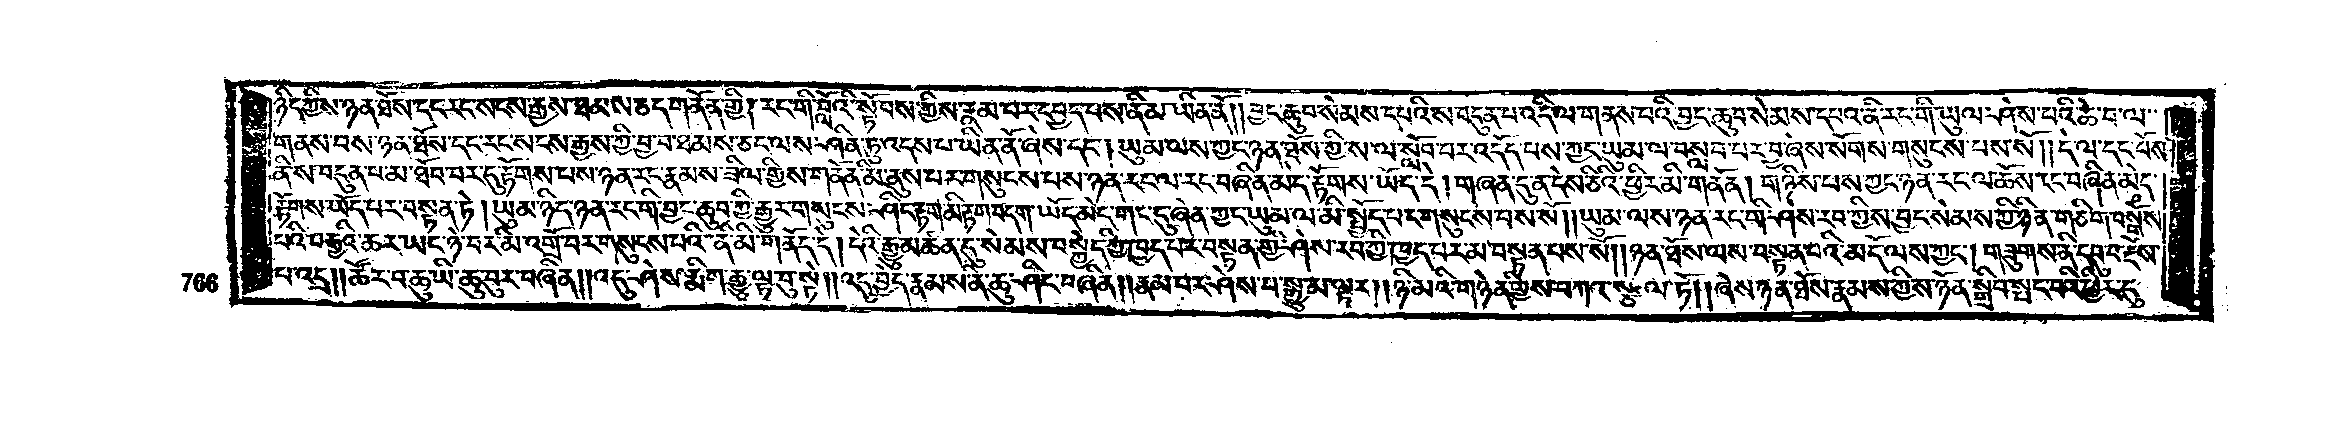ཉིད་ཀྱིས་ཉན་ཐོས་དང་རང་སངས་རྒྱས་ཐམས་ཅད་གནོན་གྱི། རང་གི་བློའི་སྟོབས་ཀྱིས་རྣམ་པར་དཔྱད་པས་ནི་མ་ཡིན་ནོ། །བྱང་ཆུབ་སེམས་དཔའི་ས་བདུན་པ་འདི་ལ་གནས་པའི་བྱང་ཆུབ་སེམས་དཔའ་ནི་རང་གི་ཡུལ་ཤེས་པའི་ཆེ་བ་ལ་
གནས་པས་ཉན་ཐོས་དང་རང་སངས་རྒྱས་ཀྱི་བྱ་བ་ཐམས་ཅད་ལས་ཤིན་ཏུ་འདས་པ་ཡིན་ནོ་ཞེས་དང་། ཡུམ་ལས་ཀྱང་ཉན་ཐོས་ཀྱི་ས་ལ་སློབ་པར་འདོད་པས་ཀྱང་ཡུམ་ལ་བསླབ་པར་བྱ་ཞེས་སོགས་གསུངས་པས་སོ། །དེ་ལ་དང་པོས་
ནི་ས་བདུན་པ་མ་ཐོབ་པར་དུ་རྟོགས་པས་ཉན་རང་རྣམས་ཟིལ་གྱིས་གནོན་མི་ནུས་པར་གསུངས་པས་ཉན་རང་ལ་རང་བཞིན་མེད་རྟོགས་ཡོད་དེ། གཞན་དུ་ན་དེས་ཅིའི་ཕྱིར་མི་གནོན། གཉིས་པས་ཀྱང་ཉན་རང་ལ་ཆོས་རང་བཞིན་མེད་
རྟོགས་ཡོད་པར་བསྟན་ཏེ། ཡུམ་ཉིད་ཉན་རང་གི་བྱང་ཆུབ་ཀྱི་རྒྱུར་གསུངས་ཤིང་རྟག་མི་རྟག་བདག་ཡོད་མེད་གང་དུ་ཞེན་ཀྱང་ཡུམ་ལ་མི་སྤྱོད་པར་གསུངས་པས་སོ། །ཡུམ་ལས་ཉན་རང་གི་ཤེས་རབ་ཀྱིས་བྱང་སེམས་ཀྱི་ཉིན་གཅིག་བསྒོམས་
པའི་བརྒྱའི་ཆར་ཡང་ཉེ་བར་མི་འགྲོ་བར་གསུངས་པའི་ནི་མི་གནོད་དེ། དེའི་རྒྱུ་མཚན་དུ་སེམས་བསྐྱེད་ཀྱི་ཁྱད་པར་བསྟན་གྱི་ཤེས་རབ་ཀྱི་ཁྱད་པར་མ་བསྟན་པས་སོ། །ཉན་ཐོས་ལས་བསྟན་པའི་མདོ་ལས་ཀྱང་། གཟུགས་ནི་དབུ་བ་རྡོས་
པ་འདྲ། །ཚོར་བ་ཆུ་ཡི་ཆུ་བུར་བཞིན། །འདུ་ཤེས་རྨིག་རྒྱུ་ལྟ་བུ་སྟེ། །འདུ་བྱེད་རྣམས་ནི་ཆུ་ཤིང་བཞིན། །རྣམ་པར་ཤེས་པ་སྒྱུ་མ་ལྟར། །ཉི་མའི་གཉེན་གྱིས་བཀའ་སྩལ་ཏོ། །ཞེས་ཉན་ཐོས་རྣམས་ཀྱིས་ཉོན་སྒྲིབ་སྤང་བའི་ཕྱིར་དུ་